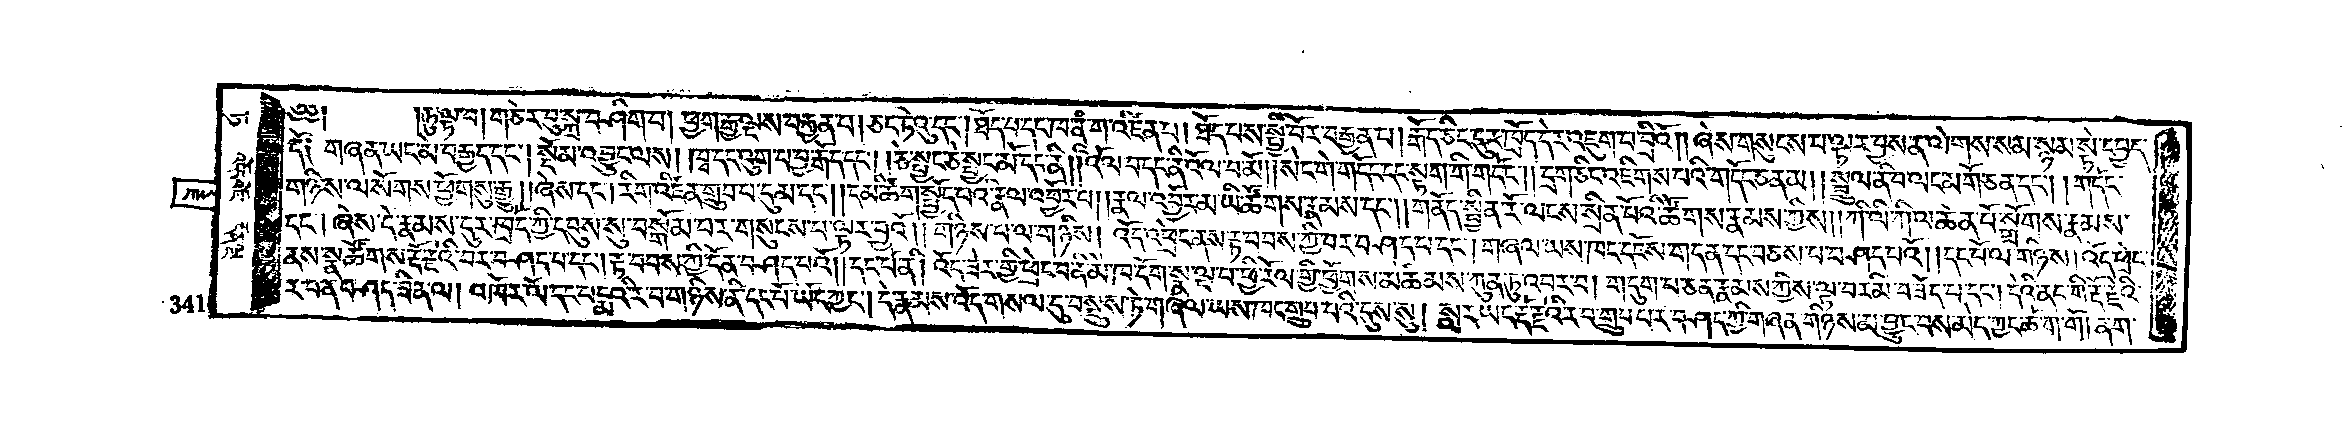༄༅། །ཏུ་ལྟ་བ། གཅེར་བུ་སྐྲ་བཤིག་པ། ཕྱག་རྒྱ་ལྔས་བརྒྱན་པ། ཅང་ཏེའུ་དང་། ཐོད་པ་དང་ཁ་ཊཱཾ་ག་འཛིན་པ། ཐོད་པས་སྤྱི་བོར་བརྒྱན་པ། རྒོད་ཅིང་དུར་ཁྲོད་དེར་འཇུག་པ་བྲིའོ། །ཞེས་གསུངས་པ་ལྟར་བྱས་ན་ལེགས་སམ་སྙམ་སྟེ་དཔྱད་
དོ། གཞན་ཡང་མེ་བརྒྱད་དང་། སྡོམ་འབྱུང་ལས། ཁྭ་དང་འུག་པ་བྱ་རྒོད་དང་། །ཅེ་སྦྱང་ཅེ་སྤྦང་མོ་དང་ནི། །འོལ་བ་དང་ནི་འོལ་བ་མོ། །སེང་གེ་གདོང་དང་སྟག་གི་གདོང་། །དྲག་ཅིང་འཇིགས་པའི་གདོང་ཅན་མ། །སྦྲུལ་ནི་བ་ལང་མགོ་ཅན་དང་། །གདོང་
གཉིས་ལ་སོགས་ཕྱོགས་སུ་རྒྱུ། །ཞེས་དང་། རིག་འཛིན་གྲུབ་པ་དུ་མ་དང་། །དམ་ཚིག་སྤྱོད་པའི་རྣལ་འབྱོར་པ། །རྣལ་འབྱོར་མ་ཡི་ཚོགས་རྣམས་དང་། །གནོད་སྦྱིན་རོ་ལངས་སྲིན་པོའི་ཚོགས་རྣམས་ཀྱིས། །ཀི་ལི་ཀི་ལ་ཆེན་པོ་སྒྲོགས་རྣམས་
དང་། ཞེས་དེ་རྣམས་དུར་ཁྲོད་ཀྱི་དབུས་སུ་བསྒོམ་པར་གསུངས་པ་ལྟར་བྱའོ། །གཉིས་པ་ལ་གཉིས། འོད་འཕྲེང་ནས་རྟ་བབས་ཀྱི་བར་བཤད་པ་དང་། གཞལ་ཡས་ཁང་དངོས་གདན་དང་བཅས་པ་བཤད་པའོ། །དང་པོ་ལ་གཉིས། འོད་ཕྲེང་
ནས་སྣ་ཚོགས་རྡོ་རྗེའི་བར་བཤད་པ་དང་། རྟ་བབས་ཀྱི་དོན་བཤད་པའོ། །དང་པོ་ནི། འོད་ཟེར་གྱི་ཕྲེང་བ་ནི་མེ་ཁ་དོག་སྣ་ལྔ་པ་ཕྱི་རོལ་གྱི་ཕྱོགས་མཚམས་ཀུན་ཏུ་འབར་བ། གདུག་པ་ཅན་རྣམས་ཀྱིས་ལྟ་བར་མི་བཟོད་པ་དང་། དེའི་ནང་གི་རྡོ་རྗེའི་
ར་བ་ནི་བཤད་ཟིན་ལ། འཁོར་ལོ་དང་པདམའི་རི་བ་གཉིས་ནི་དང་པོ་ཡོད་ཀྱང་། དེ་རྣམས་འོད་གསལ་དུ་བསྡུས་ཏེ་གཞལ་ཡས་ཁང་གྲུབ་པའི་དུས་སུ། སླར་ཡང་རྡོ་རྗེའི་ར་བ་གྲུབ་པར་བཤད་ཀྱི་གཞན་གཉིས་མ་བྱུང་བས་མེད་ཀྱང་ཆོག་གོ །ནག་